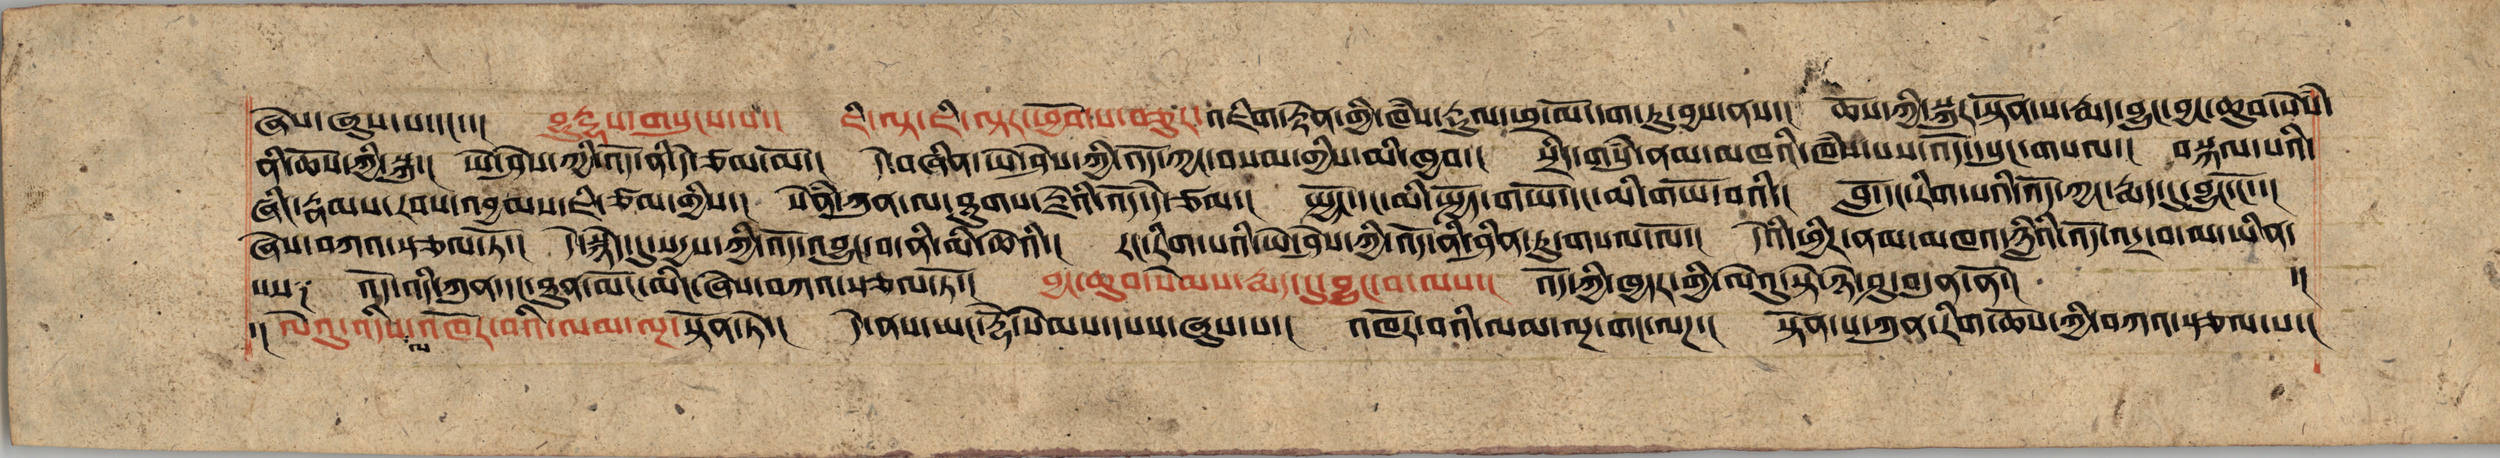ཞེས་ཞུས་པ་དང་་། བྷུཏྡྷས་གསུངས་པ་། ཇི་ལྟ་ཇི་ལྟར་ཕྱོགས་བཅུར་འཇིག་རྟེན་གྱི་ཁཾས་རྡུལ་ཕྲ་མོ་དག་ཏུ་བྱས་ནས་། ཆོས་ཀྱི་སྐུར་སྟོན་པ་རྨད་བྱུང་བྱང་ཆུབ་སེཾས་
ནི་ཆོས་ཀྱི་སྐུ་། ཡེ་ཤེས་ཀྱི་འོད་ནི་དེ་ཙམ་མོ་། དེ་བཞིན་ཡེ་ཤེས་ཀྱི་འོད་ཀྱང་བསམ་གྱིས་མི་ཁྱབ་། སྲིད་གསུཾ་ནམ་མཁའི་ཁཾས་པས་འདོད་དཔུང་གསལ་། བསྐལ་པའི་
ཞིང་རྣམས་རབས་འབྱམས་ཇི་ཙམ་གྱིས་། སེནཾ་ཀུན་ལ་ཐུགས་རྗེའི་འོད་དེ་ཙམ་། སྤྱོད་དང་མི་སྤྱོད་གཡོ་དང་མི་གཡོ་བའི་། བློ་དང་རིག་པའི་འོད་ཀྱང་རྨད་དུ་བྱུང་ངོ་་།
ཞེས་བཀའ་སྩལ་ཏོ་། དེ་སྙེད་དུ་སདྱས་ཀྱི་འོད་འབྱུང་བ་ནི་མི་ཆེའི་། རང་རིག་པའི་ཡེ་ཤེས་ཀྱི་འདོ་ནི་ཤིན་ཏུ་གསལ་ལོ་། དེའི་ཕྱིར་ནམ་མཁའ་ཉླིའི་འོད་འདྲ་བ་མ་ཡིན་
པས༑ འོད་འདི་ཀུན་དང་ཐུན་མོང་མིང་ཞེས་བཀའ་སྩལ་ཏོ་། བྱང་ཆུབ་སེམས་རྨད་དུ་བྱུང་བ་ལས་། འོད་ཀྱི་ཁྱདར་གྱི་ལེའུ་སྟེ་ཉེ་ཤུ་བདུན་ནོ་།
་།ལེའུ་འདིས་ལ་འཁོར་བའི་ལམ་ལྔ་སྟོན་ཏེ་། དེ་ནས་ཡང་རྡོེ་སེམས་དཔས་ཞུས་པ་། འཁོར་བའི་ལམ་ལྔ་གང་ལཌ་། སྟོན་པ་ཀུན་རིག་ཆོས་ཀྱི་བཀའ་སྩལ་པ་།